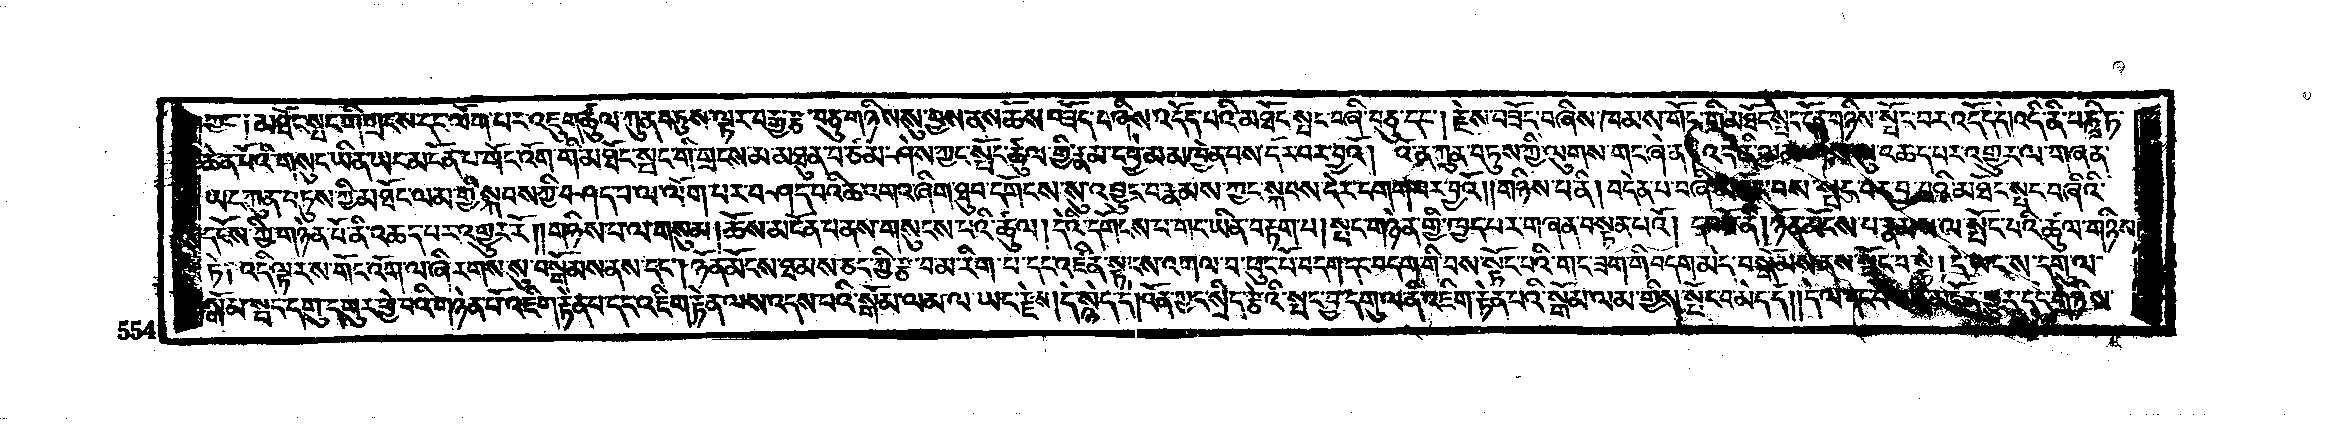ཀྱང་། མཐོང་སྤང་གི་གྲངས་དང་ལོག་པར་འཇུག་ཚུལ་ཀུན་བཏུས་ལྟར་བརྒྱ་རྩ་བཅུ་གཉིས་སུ་བྱས་ནས་ཆོས་བཟོད་བཞིས་འདོད་པའི་མཐོང་སྤང་བཞི་བཅུ་དང་། རྗེས་བཟོད་བཞིས་ཁམས་གོང་གི་མཐོང་སྤང་དོན་གཉིས་སྤོང་བར་འདོད་དེ། འདི་ནི་པཎྜི་ཏ་
ཆེན་པོའི་གསུང་ཡིན་ཡང་མངོན་པ་གོང་འོག་གི་མཐོང་སྤང་གི་གྲངས་མ་མཐུན་པ་ཙམ་ཤེས་ཀྱང་སྤོང་ཚུལ་གྱི་རྣམ་དབྱེ་མ་མཁྱེན་པས་དོར་བར་བྱའོ། འོ་ན་ཀུན་བཏུས་ཀྱི་ལུགས་གང་ཞེ་ན། འདི་ནི་ལམ་ཤེས་སུ་འཆད་པར་འགྱུར་ལ་གཞན་
ཡང་ཀུན་བཏུས་ཀྱི་མཐོང་ལམ་གྱི་སྐབས་ཀྱི་བཤད་པ་ལ་ལོག་པར་བཤད་པའི་ཆ་འགའ་ཞིག་ཐུབ་དགོངས་སུ་འབྱུང་བ་རྣམས་ཀྱང་སྐབས་དེར་དགག་པར་བྱའོ། །གཉིས་པ་ནི། བདེན་པ་བཞི་མཐོང་བས་སྤང་བར་བྱ་བའི་མཐོང་སྤང་བཞིའི་
དངོས་ཀྱི་གཉེན་པོ་ནི་འཆད་པར་འགྱུར་རོ། །གཉིས་པ་ལ་གསུམ། ཆོས་མངོན་པ་ནས་གསུངས་པའི་ཚུལ། དེའི་དགོངས་པ་གང་ཡིན་བརྟག་པ། སྤང་གཉེན་གྱི་ཁྱད་པར་གཞན་བསྟན་པའོ། དང་པོ་ནི། ཉོན་མོངས་པ་རྣམས་ལ་སྤོང་བའི་ཚུལ་གཉིས་
ཏེ། འདི་ལྟར་ས་གོང་འོག་ལ་ཞི་རགས་སུ་བསྒོམས་ནས་དང་། ཉོན་མོངས་ཐམས་ཅད་ཀྱི་རྩ་བ་མ་རིག་པ་དང་འཛིན་སྟངས་འགལ་བ་ཕུང་པོ་བདག་དང་བདག་གི་བས་སྟོང་པའི་གང་ཟག་གི་བདག་མེད་བསྒོམས་ནས་སྤོང་བ་སྟེ། དེ་ཡང་ས་དགུ་ལ་
སྒོམ་སྤང་དགུ་དགུར་ཕྱེ་བའི་གཉེན་པོ་འཇིག་རྟེན་པ་དང་འཇིག་རྟེན་ལས་འདས་པའི་སྒོམ་ལམ་ལ་ཡང་རྗེས། དེ་སྙེད་དེ། འོན་ཀྱང་སྲིད་རྩེའི་སྤང་བྱ་དགུ་ལ་ནི་འཇིག་རྟེན་པའི་སྒོམ་ལམ་གྱིས་སྤོང་བ་མེད་དོ། །དེ་ལ་དང་པོས་ནི་མངོན་གྱུར་དང་གཉིས་